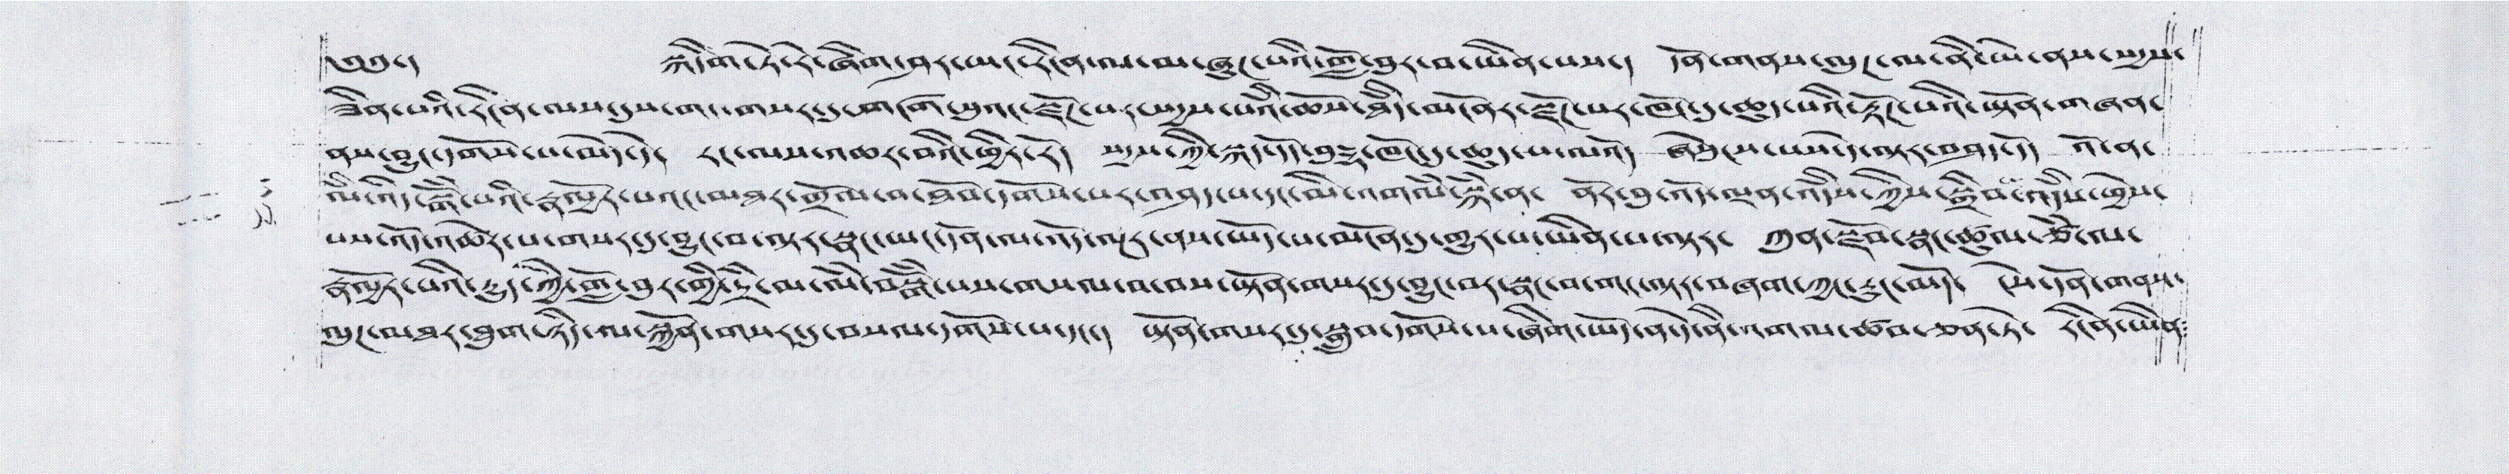སྐད་ཅིག་རེ་རེ་ཞིག་ཤར་ཡང་རང་བཞིན་ལ་མ་ཞུགས་པའི་གློ་བུར་བ་ཡིན་པས། དོན་གནས་ལུགས་ལ་ནི་ཡེ་ནས་སངས་རྒྱས་
ཟིན་པའི་རང་བཞིན་ལས་དུས་གང་གསར་དུ་གང་ཟག་སུའང་རྫོགས་པར་སངས་རྒྱས་པའམ་ཆོས་ཐམས་ཅད་མངོན་པར་རྫོགས་པར་ཁོང་དུ་ཆུད་པའི་རྟོགས་པའི་ཡོན་ཏན་གཞན་
ནས་བྱུང་དགོས་པ་མེད་དེ། རང་ལས་འཆར་བའི་ཕྱིར་རོ། སངས་རྒྱས་ཀྱི་སྐད་དོད་བྷུདྷ་ཁོང་དུ་ཆུད་པ་ལའོ། ཞེས་གསུངས་པས་དེ་ལྟར་བཤད་དོ། འོ་ན་
ལམ་དེ་བསྒོམ་པའི་རྣལ་འབྱོར་པ་དེའང་མཐར་གྲོལ་བ་ཐོབ་དགོས་པར་བཤད་པ་དང་མི་འགལ་ལམ་སྙམ་ན། ནོར་བུ་འོད་ལྡན་འདམ་གྱིས་བསྒྲིབས་པ་འདམ་ཕྱིས་
པས་འོད་འཚེར་བ་གསར་དུ་བྱུང་བ་ལྟར་སྣང་ཡང་དོན་ལ་འོད་སྔར་ནས་ཡོད་པ་མངོན་དུ་གྱུར་པ་ཡིན་པ་ལྟར། ཀུན་རྫོབ་སྣང་ཚུལ་ཙམ་ལ་
རྣལ་འབྱོར་པའི་རྒྱུད་ཀྱི་གློ་བུར་གྱི་དྲི་མ་ལམ་བསྒོམ་པས་གསལ་བ་བས་ཡོན་ཏན་གསར་དུ་བྱུང་བར་སྣང་བ་གང་ལྟར་བཞག་ཀྱང་རུང་མོད། ངེས་དོན་གནས་
ལུགས་མཐར་ཐུག་ཉིད་ལ་སྐྱོན་གསར་དུ་བསལ་དགོས་པ་དང་། ཡོན་ཏན་གསར་དུ་བསྒྲུབ་དགོས་པ་ཞིག་ཡོད་ན་དེ་ནི་འགལ་ཚབ་ཅན་ཡིན་ཏེ། རང་བཞིན་ཡིན་